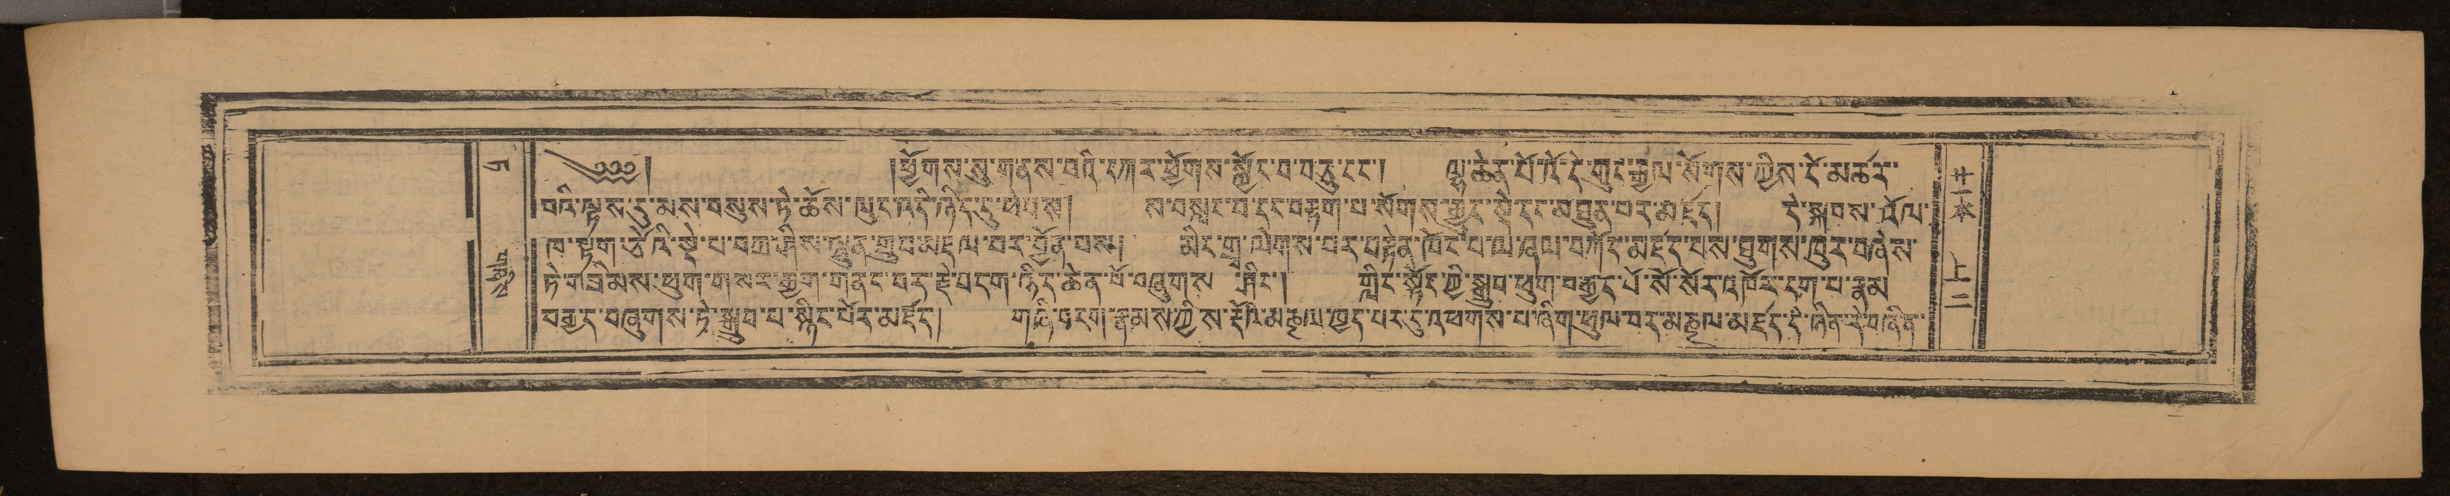༄༅༅། །ཕྱོགས་སུ་གནས་པའི་དཀར་ཕྱོགས་སྐྱོང་བ་བཅུ་དང་། ལྷ་ཆེན་པོ་འོ་དེ་གུད་རྒྱལ་སོགས་ཀྱིས་ངོ་མཚར་
བའི་ལྟས་དུ་མས་བསུས་ཏེ་ཆོས་ལུང་འདི་ཉིད་དུ་ཕེབས། ས་བསླང་བ་དང་བརྟག་པ་སོགས་རྒྱུད་སྡེ་དང་མཐུན་པར་མཛད། དེ་སྐབས་འོལ་
ཁ་སྟག་རྩེའི་སྡེ་པ་བཀྲ་ཤིས་ལྷུན་གྲུབ་མཇལ་བར་བྱོན་པས། མིང་གྲྭ་ལེགས་པར་བརྟེན་ཁོང་པ་ལ་ཞལ་བཀོད་མཛད་པས་ཐུགས་ཁུར་བཞེས་
ཏེ་གཟིམས་ཕུག་གསར་རྒྱག་གནང་བར་རྗེ་བདག་ཉིད་ཆེན་པོ་བཞུགས་ཤིང་། གླིང་སྟོད་ཀྱི་སྒྲུབ་ཕུག་བརྒྱད་པོ་སོ་སོར་འཁོར་དག་པ་རྣམ་
བརྒྱད་བཞུགས་ཏེ་སྒྲུབ་པ་སྙིང་པོར་མཛད། གཞི་བདག་རྣམས་ཀྱིས་རྡོའི་མཎྜལ་ཁྱད་པར་དུ་འཕགས་པ་ཞིག་ཕུལ་བར་མཎྜལ་མཛད་དེ་ཉིན་རེ་བཞིན་